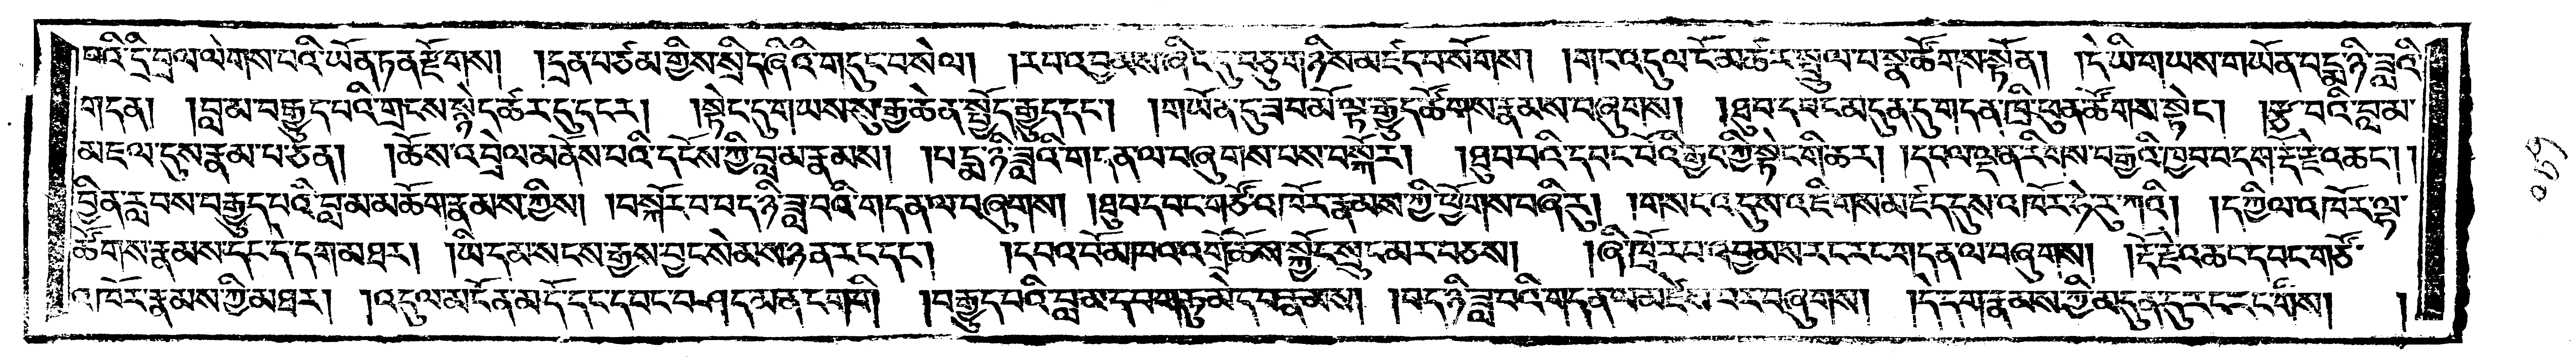པའི་དྲི་བྲལ་ལེགས་པའི་ཡོན་ཏན་རྫོགས། །དྲན་པ་ཙམ་གྱིས་སྲིད་ཞིའི་གདུང་བསེལ། །རབ་འབྱམས་ཞིང་དུ་བཅུ་གཉིས་མཛད་པ་སོགས། །གང་འདུལ་ངོ་མཚར་སྤྲུལ་པ་སྣ་ཚོགས་སྟོན། །དེ་ཡི་གཡས་གཡོན་པདམ་ཉི་ཟླའི་
གདན། །བླ་མ་བརྒྱུད་པའི་གྲངས་སྙེད་ཚར་དུ་དངར། །སྟེང་དུ་གཡས་སུ་རྒྱ་ཆེན་སྤྱོད་རྒྱུད་དང་། །གཡོན་དུ་ཟབ་མོ་ལྟ་རྒྱུད་ཚོགས་རྣམས་བཞུགས། །ཐུབ་དབང་མདུན་དུ་གདན་ཁྲི་ཕུན་ཚོགས་སྟེང་། །རྩ་བའི་བླ་མ་
མཇལ་དུས་རྣམ་པ་ཅན། །ཆོས་འབྲེལ་མནོས་པའི་དངོས་ཀྱི་བླ་མ་རྣམས། །པདམ་ཉི་ཟླའི་གདན་ལ་བཞུགས་པས་བསྐོར། །ཐུབ་པའི་དབང་པོའི་རྒྱབ་ཀྱི་སྟེང་གི་ཆར། །དཔལ་ལྡན་རིགས་བརྒྱའི་ཁྱབ་བདག་རྡོ་རྗེ་འཆང་། །
བྱིན་རླབས་བརྒྱུད་པའི་བླ་མ་མཆོག་རྣམས་ཀྱིས། །བསྐོར་བ་པད་ཉི་ཟླ་བའི་གདན་ལ་བཞུགས། །ཐུབ་དབང་གཙོ་འཁོར་རྣམས་ཀྱི་ཕྱོགས་བཞི་རུ། །གསང་འདུས་འཇིགས་མཛད་དུས་འཁོར་ཧེ་རུ་ཀའི། །དཀྱིལ་འཁོར་ལྷ་
ཚོགས་རྣམས་དང་དེ་དག་མཐར། །ཡི་དམ་སངས་རྒྱས་བྱང་སེམས་ཉན་རང་དང་། །དཔའ་བོ་མཁའ་འགྲོ་ཆོས་སྐྱོང་སྲུང་མར་བཅས། །ཞི་ཁྲོ་རབ་འབྱམས་རང་རང་གདན་ལ་བཞུགས། །རྡོ་རྗེ་འཆང་དབང་གཙོ་
འཁོར་རྣམས་ཀྱི་མཐར། །འདུལ་མངོན་མདོ་དང་དབང་བཤད་མན་ངག་གི། །བརྒྱུད་པའི་བླ་མ་དཔག་ཏུ་མེད་པ་རྣམས། །པད་ཉི་ཟླ་བའི་གདན་ལ་མཛེས་པར་བཞུགས། །དེ་དག་རྣམས་ཀྱི་མདུན་དུ་རང་རང་གིས།